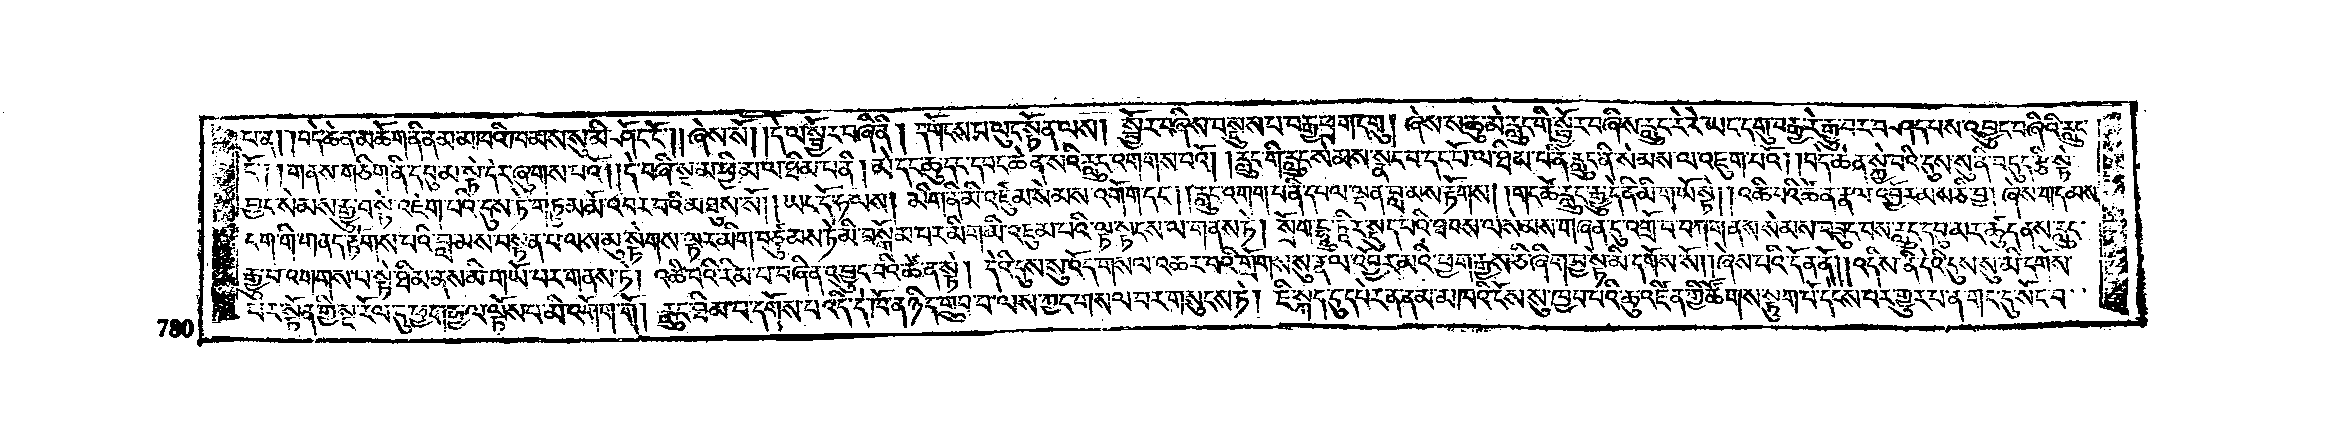པ་ན། །བདེ་ཆེན་མཆོག་ནི་ནམ་མཁའི་ཁམས་སུ་མི་ཤོང་ངོ། །ཞེས་སོ། །དེ་ལ་སྦྱོར་བཞི་ནི། དགོངས་པ་ལུང་སྟོན་ལས། སྦྱོར་བཞིས་བསྡུས་པ་བརྒྱ་ཕྲག་དགུ། ཞེས་ས་ཆུ་མེ་རླུང་གི་སྦྱོར་བཞིས་རླུང་རེ་རེ་ཡང་དགུ་བརྒྱ་རེ་རྒྱུ་བར་བཤད་པས་འབྱུང་བཞིའི་རླུང་
ངོ། །གནས་གཅིག་ནི་དབུ་མ་སྟེ་དེར་ཞུགས་པའོ། །དེ་བཞི་སྔ་མ་ཕྱི་མ་ལ་ཐིམ་པ་ནི། མེ་དང་ཆུ་དང་དབང་ཆེན་སའི་རླུང་འགགས་པའོ། །རླུང་གི་རླུང་སེམས་སྣང་བ་དང་པོ་ལ་ཐིམ་པ་ནི་རླུང་ནི་སེམས་ལ་འཇུག་པའོ། །བདེ་ཆེན་སྐྱེ་བའི་དུས་སུ་ནི་བདུད་རྩི་སྟེ་
བྱང་སེམས་རྒྱུ་བ་སྟེ་འཛག་པའི་དུས་ཏེ་གཏུམ་མོ་འབར་བའི་མཐུས་སོ། །ཡང་དོ་ཧ་ལས། མིག་ནི་མི་འཛུམ་སེམས་འགོག་དང་། །རླུང་འགག་པ་ནི་དཔལ་ལྡན་བླ་མས་རྟོགས། །གང་ཚེ་རླུང་རྒྱུ་དེ་ནི་མི་གཡོ་སྟེ། །འཆི་བའི་ཚེ་ན་རྣལ་འབྱོར་རྣལ་འབྱོར་མས་ཅི་བྱ། ཞེས་གདམས་
ངག་གི་གནད་རྟོགས་པའི་བླ་མས་བསྟན་པ་ལས་མུ་སྟེགས་ལྟར་མིག་བཙུམས་ཏེ་མི་བསྒོམ་པར་མིག་མི་འཛུམ་པའི་ལྟ་སྟངས་ལ་གནས་ཏེ། སྲོག་དྷཱུ་ཏཱིར་སྡུད་པའི་ཐབས་ལ་སེམས་གཞན་དུ་འགྲོ་བ་བཀག་ནས་སེམས་བཟུང་བས་རླུང་དབུ་མར་ཚུད་ནས་རླུང་
རྒྱུ་བ་འགགས་པ་སྟེ་ཐིམ་ནས་མི་གཡོ་བར་གནས་ཏེ། འཆི་བའི་རིམ་པ་བཞིན་འབྱུང་བའི་ཚེ་ན་སྟེ། དེའི་དུས་སུ་འོད་གསལ་འཆར་བའི་གྲོགས་སུ་རྣལ་འབྱོར་མའི་ཕྱག་རྒྱས་ཅི་ཞིག་བྱ་སྟེ་མི་དགོས་སོ། །ཞེས་པའི་དོན་ནོ། །འདིས་ནི་དེའི་དུས་སུ་མི་དགོས་
པར་སྟོན་གྱི་སྔ་རོལ་དུ་ཕྱག་རྒྱ་ལ་ལྟོས་པ་མི་འགོག་གོ །རླུང་ཐིམ་པ་དགོས་པ་འདི་དེ་ཁོ་ན་ཉིད་གྲུབ་པ་ལས་ཀྱང་གསལ་བར་གསུངས་ཏེ། ཇི་སྐད་དུ་དཔེར་ན་ནམ་མཁའི་ངོས་སུ་ཁྱབ་པའི་ཆུ་འཛིན་གྱི་ཚོགས་སྟུག་པོ་དེ་ངས་པར་གྱུར་པ་ན་གང་དུ་སོང་བ་